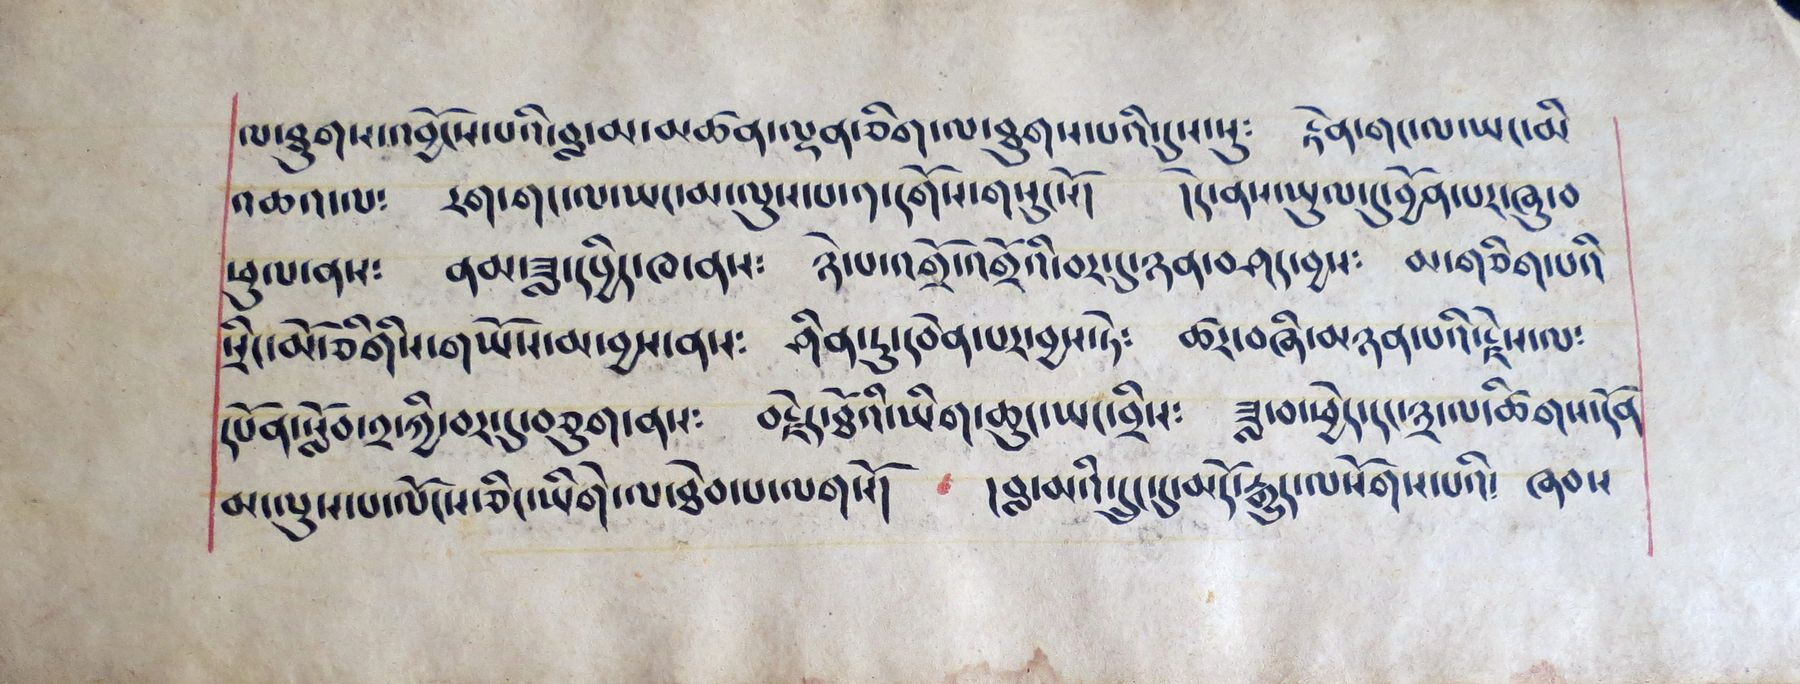ལ་ཐུགས་འབྱོངས་པའི་བླ་མ་མཚན་ལྡན་ཅིག་ལ་ཐུག་པའི་དུས་སུ་རྟེན་གང་ལ་ཡང་མི་
འཆའ་ལ། རག་གང་ལའང་མ་ལུས་པ་གཅིག་དགོས་གསུངས་སོ། དེ་ནས་ཡུལ་དུ་བྱོན་པར་ཞུ་བ་
ཕུལ་ནས། ནམ་ཟླ་དཔྱིད་ཀ་ནས། ཉེ་པ་འགྲོ་འགྲོའི་བར་དུ་ཉན་བཤད་བྱས། མ་གཅིག་པའི་
སྲིང་མོ་གཅིག་གིས་གཡོས་མ་བྱས་ནས། ཤིན་ཏུ་དབེན་པར་བྱས་ཏེ། ཚར་བཞི་མཉན་པའི་རྗེས་ལ་
དཔོན་སློབ་གཉིས་ཀྱི་བར་དུ་བཅུག་ནས། བརྗེད་ཐོའི་ཡིག་ཆུང་ཡང་བྲིས། ཟླ་བ་ཕྱེད་དང་གསུམ་ལ་ཚིག་དོན་
མ་ལུས་པ་ལོངས་ཅིང་ཡི་གེ་ལ་ཐེབས་པ་ལགས་སོ། །བླ་མའི་དྲུང་དུ་མདོ་རྒྱུད་ལ་སོགས་པའི། ཞབས་